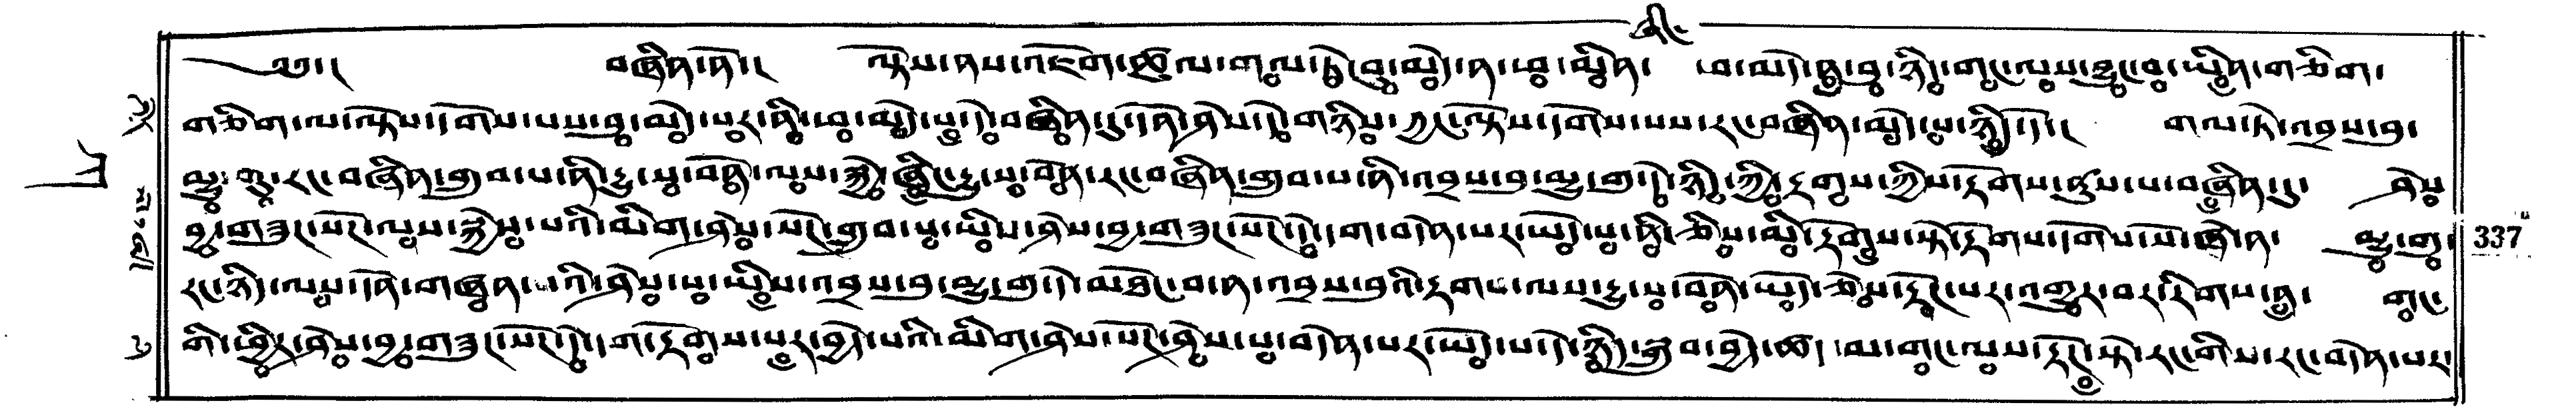བཞིན་ནོ།། ལྟོས་ནས་འཇོག་ཚུལ་གལ་ཏེ་བུ་མེད་ན་ཕ་མིན་ཞིང་། ཕ་མེད་ན་བུ་ཉིད་གང་ལས་བྱུང་བ་ཡིན། གཅིག་
གཅིག་ལ་ལྟོས་དགོས་པས་བུ་མེད་པར་ནི་ཕ་མེད་པ་དེ་བཞིན་དུ་དོན་ཤེས་དེ་གཉིས་ཀྱང་ལྟོས་དགོས་པས་རང་བཞིན་མེད་པ་ཉིད་དོ། གལ་ཏེ་འབྲས་བུ་
མྱུ་གུ་རང་བཞིན་གྲུབ་པ་ནི་རྒྱུ་ས་བོན་ལས་སྐྱེ་ཞིང་རྒྱུ་ས་བོན་རང་བཞིན་གྲུབ་པ་ནི་འབྲས་བུ་མྱུ་གུ་དེ་ཉིད་ཀྱི་རྟགས་ཀྱིས་རྟོགས་ནུས་པ་བཞིན་དུ། ཤེས་
བྱ་གཟུགས་སོགས་ལས་སྐྱེས་པའི་མིག་ཤེས་སོགས་གྲུབ་པ་ཡིས་ཤེས་བྱ་གཟུགས་སོགས་དེ་དག་བདེན་པར་ཡོད་པ་ནི་ཅིས་མི་རྟོགས་ཏེ་རྟོགས་དགོས་སོ་ཞེ་ན། མྱུ་གུ་
རང་ཉིད་ལས་དོན་གཞན་པའི་ཤེས་པ་ཡིས་འབྲས་བུ་མྱུ་གུ་དེ་མཐོང་བ་ན་འབྲས་བུའི་རྟགས་ལས་རྒྱུ་ས་བོན་ཡོད་ཅེས་རྟོགས་པར་འགྱུར་བར་རིགས་ན། གང་
གི་ཕྱིར་ཤེས་བྱ་གཟུགས་སོགས་དེ་དག་རྟོགས་པར་བྱེད་པའི་མིག་ཤེས་སོགས་ཤེས་པ་བདེན་པར་ཡོད་པ་དེ་ཉིད་སྒྲུབ་བྱེད་ཚད་མ་གང་ལས་རྟོགས་སྟེ་རང་གིས་རང་བདེན་པར་